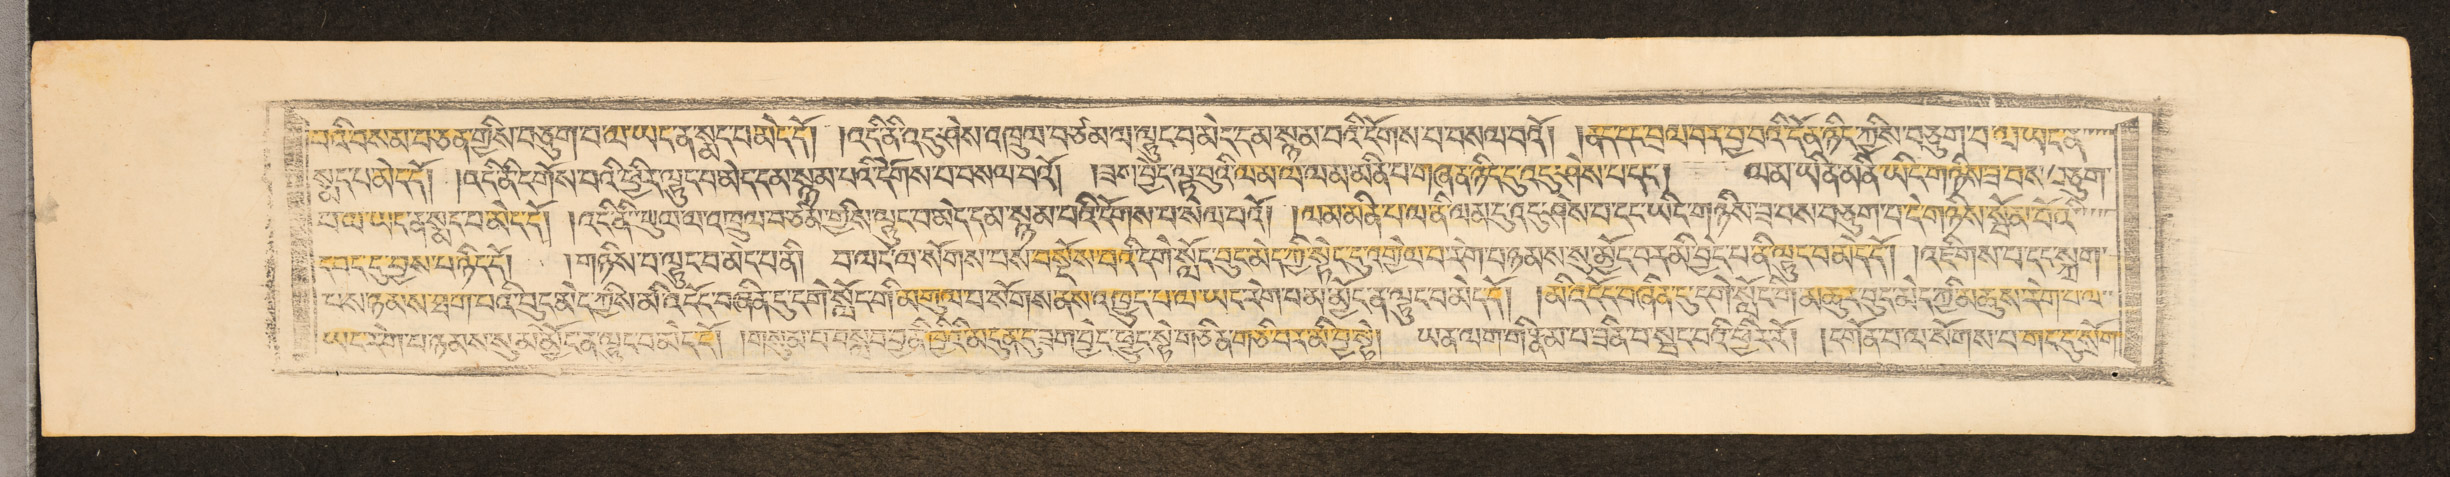པའི་བསམ་པ་ཅན་གྱིས་བཅུག་པ་ལ་ཡང་ན་སྨད་པ་མེད་ངོ། །འདི་ནི་འདུ་ཤེས་འཁྲུལ་པ་ཙམ་ལ་ལྟུད་བ་མེད་ངམ་སྙམ་པའི་དོགས་པ་བསལ་བའོ། །ནད་དང་བྲལ་བར་བྱ་བའི་དོན་ཉིད་ཀྱིས་བཅུག་པ་ལ་ཡང་ན་
སྨད་པ་མེད་དོ། །འདི་ནི་དགོས་པའི་ཕྱིར་ལྟུང་པ་མེད་དམ་སྙམ་པའི་དོགས་པ་བསལ་བའོ། །ཟག་བྱེད་ལྟ་བུའི་ལམ་ལ་ལམ་མིན་པ་གཞན་ཉིད་དུ་འདུ་ཤེས་པ་དང་། ལམ་ཡིན་མིན་ཡིད་གཉིས་ཟ་བས་བཅུག་
པ་ལ་ཡང་ན་སྨད་པ་མེད་དོ། །འདི་ནི་ཡུལ་ལ་འཁྲུལ་བ་ཙམ་གྱིས་ལྟུང་བ་མེད་དམ་སྙམ་པའི་དོགས་པ་སེལ་པའོ། །ལམ་མིན་པ་ལ་ནི་ལམ་དུ་འདུ་ཤེས་པ་དང་ཡིད་གཉིས་ཟ་བས་བཅུག་པ་དེ་གཉིས་སྦོམ་པོའི་
དབང་དུ་བྱས་པ་ཉིད་དོ། །གཉིས་པ་ལྟུད་བ་མེད་པ་ནི། པ་ལང་ལ་སོགས་པས་བསྔོས་པའི་དགེ་སློང་བུད་མེད་ཀྱི་སྟེང་དུ་འགྱེལ་བ་རེག་པ་ཉམས་སུ་མྱོང་བར་མི་བྱེད་པ་ནི་ལྟུང་བ་མེད་ངོ། །འཇིགས་པ་དང་སྐྲག་
བས་ཉམས་ཐག་པའི་བུད་མེད་ཀྱིས་མི་འདོད་བཞིན་དུ་དགེ་སློང་གི་མགུལ་པ་སོགས་ནས་འཁྱུད་པ་ལ་ཡང་རེག་པ་མ་མྱོང་ན་ལྟུང་བ་མེད་དོ། །མི་འདོད་བཞིན་དུ་དགེ་སློང་གི་མཆུར་བུད་མེད་ཀྱི་མཆུས་རེག་པ་ལ་
ཡང་རེག་པ་ཉམས་སུ་མི་མྱོང་ན་ལྟུང་བ་མེད་དོ། །གསུམ་པ་བསླབ་བྱ་ནི་ཁྱིའི་མདུན་དུ་ཟག་བྱེད་ཕྱུང་སྟེ་གཅིན་གཅི་བར་མི་བྱ་སྟེ། ཡན་ལག་གི་རྣམ་པ་ཟིན་པ་སྤང་བའི་ཕྱིར་རོ། །དགོན་པ་ལ་སོགས་པ་གང་དུ་སྲོག་